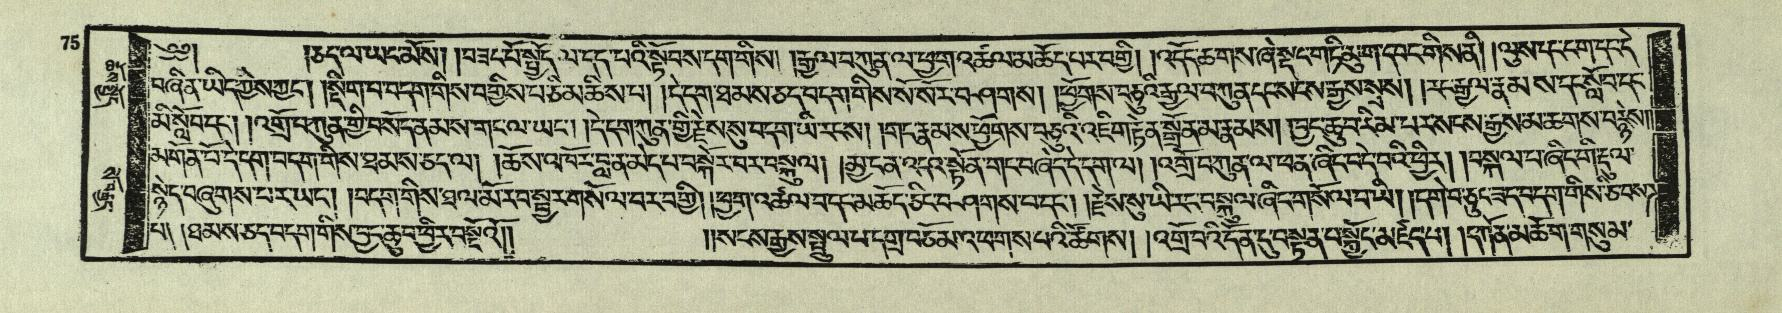༄༅། །ཅད་ལ་ཡང་མོས། །བཟང་པོ་སྤྱོད་ལ་དད་པའི་སྟོབས་དག་གིས། །རྒྱལ་བ་ཀུན་ལ་ཕྱག་འཚལ་མཆོད་པར་བགྱི། །འདོད་ཆགས་ཞེ་སྡང་གཏི་མུག་དབང་གིས་ནི། །ལུས་དང་ངག་དང་དེ་
བཞིན་ཡིད་ཀྱིས་ཀྱང་། །སྡིག་པ་བདག་གིས་བགྱིས་པ་ཅི་མཆིས་པ། །དེ་དག་ཐམས་ཅད་བདག་གིས་སོ་སོར་བཤགས། །ཕྱོགས་བཅུའི་རྒྱལ་བ་ཀུན་དང་སངས་རྒྱས་སྲས། །རང་རྒྱལ་རྣམས་དང་སློབ་དང་
མི་སློབ་དང་། །འགྲོ་པ་ཀུན་གྱི་བསོད་ནམས་གང་ལ་ཡང་། །དེ་དང་ཀུན་གྱི་རྗེས་སུ་བདག་ཡི་རང་ས། །གང་རྣམས་ཕྱོགས་བཅུའི་འཇིག་རྟེན་སྒྲོན་མ་རྣམས། །བྱང་ཆུབ་རིམ་པར་སངས་རྒྱས་མ་ཆགས་བརྙེས།
མགོན་པོ་དེ་དག་བདག་གིས་ཐམས་ཅད་ལ། །ཆོས་འཁོར་བླ་ན་མེད་པ་བསྐོར་བར་བསྐུལ། །མྱ་ངན་འདའ་སྟོན་གང་བཞེད་དེ་དག་ལ། །འགྲོ་བ་ཀུན་ལ་ཕན་ཞིང་བདེ་བའི་ཕྱིར། །བསྐལ་པ་ཞིང་གི་རྡུལ་
སྙེད་བཞུགས་པར་ཡང་། །བདག་གིས་ཐལ་མོ་རབ་སྦྱར་གསོལ་བར་བགྱི། །ཕྱག་འཚལ་བ་དང་མཆོད་ཅིང་བཤགས་པ་དང་། །རྗེས་སུ་ཡི་རང་བསྐུལ་ཞིང་གསོལ་བ་ཡི། །དགེ་བ་ཅུང་ཟད་བདག་གིས་ཅི་བསཌ་
པ། །ཐམས་ཅད་བདག་གིས་བྱང་ཆུབ་ཕྱིར་བསྔོའོ།། །།སངས་རྒྱས་སྤྲུལ་པ་དགྲ་བཅོམ་འཕགས་པའི་ཚོགས། །འགྲོ་བའི་དོན་དུ་བསྟན་པ་སྐྱོང་མཛད་པ། །དཀོན་མཆོག་གསུམ་